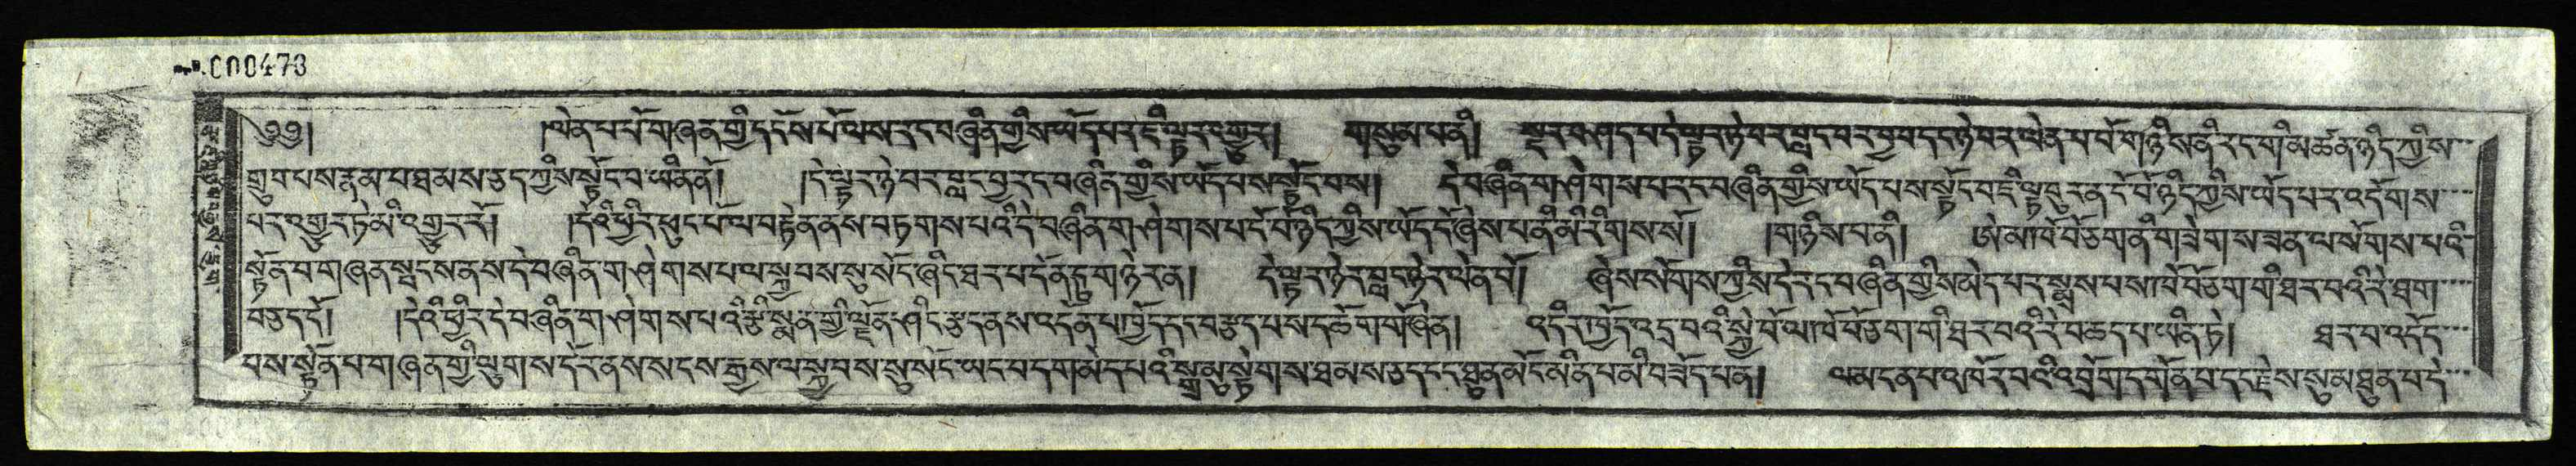༄༅། །ལེན་པ་པོ་གཞན་གྱི་དངོས་པོ་ལས་རང་བཞིན་གྱིས་ཡོད་པར་ཇི་ལྟར་འགྱུར། གསུམ་པ་ནི། སྔར་བཤད་པ་དེ་ལྟར་ཉེ་བར་བླང་བར་བྱ་བ་དང་ཉེ་བར་ལེན་པ་བོ་གཉིས་ནི་རང་གི་མཚན་ཉིད་ཀྱིས་
གྲུབ་པས་རྣམ་པ་ཐམས་ཅད་ཀྱིས་སྟོང་བ་ཡིན་ནོ། །དེ་ལྟར་ཉེ་བར་བླང་བྱ་རང་བཞིན་གྱིས་ཡོད་པས་སྟོང་བས། དེ་བཞིན་གཤེགས་པ་རང་བཞིན་གྱིས་ཡོད་པས་སྟོང་པ་ཇི་ལྟ་བུར་ན་ངོ་བོ་ཉིད་ཀྱིས་ཡོད་པར་འདོགས་
པར་འགྱུར་ཏེ་མི་འགྱུར་རོ། །དེའི་ཕྱིར་ཕུང་པོ་ལ་བརྟེན་ནས་བཏགས་པའི་དེ་བཞིན་གཤེགས་པ་ངོ་བོ་ཉིད་ཀྱིས་ཡོད་དོ་ཞེས་པ་ནི་མི་རིགས་སོ། །གཉིས་པ་ནི། ཨེ་མ་ཁོ་བོ་ཅག་ནི་གཟེགས་ཟན་ལ་སོགས་པའི་
སྟོན་པ་གཞན་སྤངས་ནས་དེ་བཞིན་གཤེགས་པ་ལ་སྐྱབས་སུ་སོང་ཞིང་ཐར་པ་དོན་དུ་གཉེར་ན། དེ་ལྟར་ཉེར་བླང་ཉེར་ལེན་བོ། ཞེས་སོགས་ཀྱིས་དེ་རང་བཞིན་གྱིས་མེད་པར་སྨྲས་པས་ཁོ་བོ་ཅག་གི་ཐར་བའི་རེ་ཐག་
བཅད་དོ། །དེའི་ཕྱིར་དེ་བཞིན་གཤེགས་པའི་རྩི་སྨན་གྱི་ལྗོན་ཤིང་རྩད་ནས་འདོན་པ་ཁྱོད་དང་བརྩད་པས་ད་ཆོག་གོ་ཞེ་ན། འདིར་ཁྱོད་འདྲ་བའི་སྐྱེ་བོ་ལ་ཁོ་བོ་ཅག་གི་ཐར་བའི་རེ་བ་ཆད་པ་ཡིན་ཏེ། ཐར་བ་འདོད་
པས་སྟོན་པ་གཞན་གྱི་ལུགས་དོར་ནས་སངས་རྒྱས་ལ་སྐྱབས་སུ་སོང་ཡང་བདག་མེད་པའི་སྒྲ་མུ་སྟེགས་ཐམས་ཅད་དང་ཐུན་མོང་མིན་པ་མི་བཟོད་པ་ན། ལམ་ངན་པ་འཁོར་བའི་འབྲོག་དགོན་པ་དང་རྗེས་སུ་མཐུན་པ་དེ་